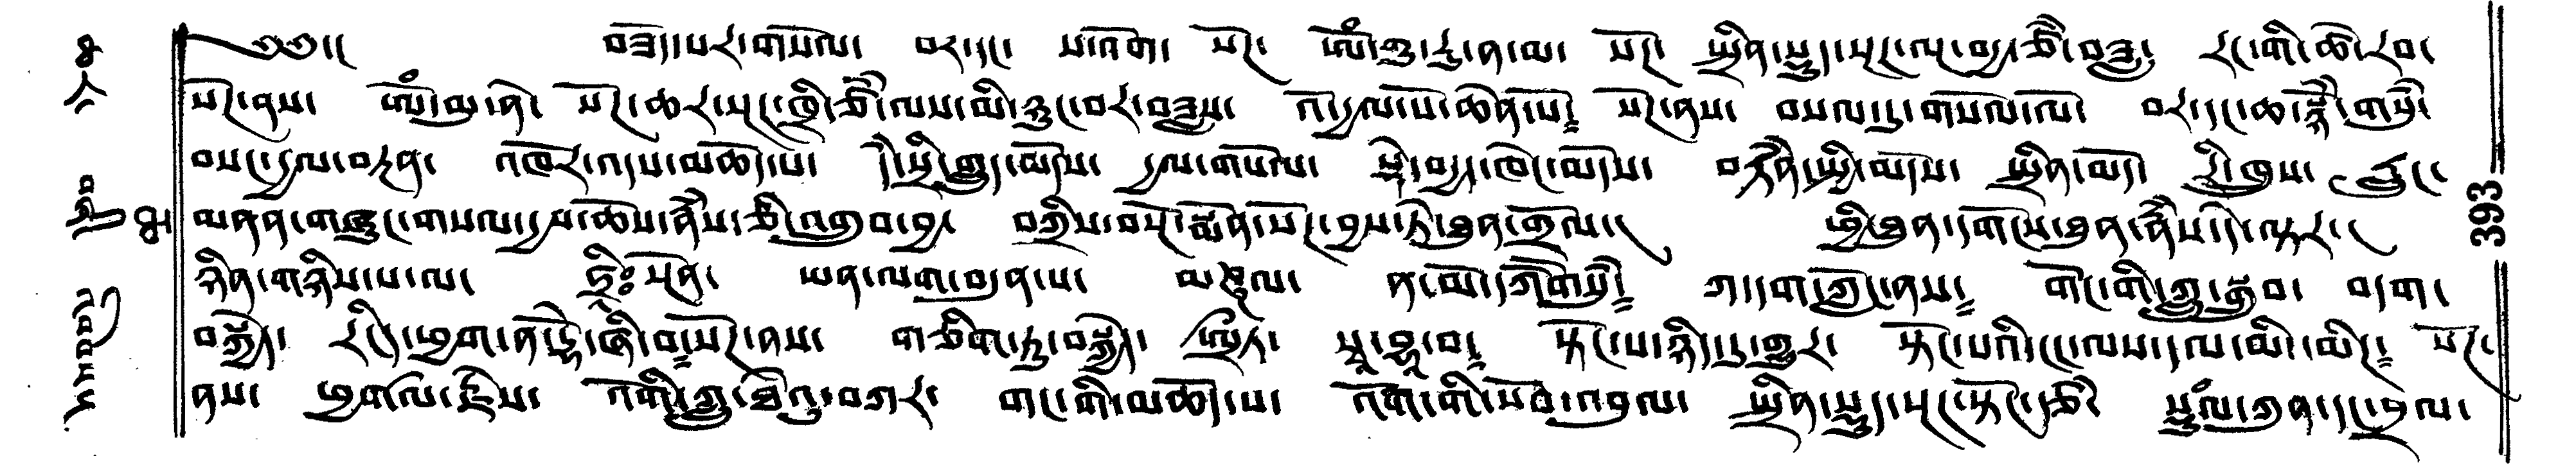བཟོད་པར་གསོལ། བར་དང་། ས་འོག༴ སོགས། ཨོཾ་གུ་རུ་ན་མ༴ སོགས། སྤྲིན་སྡུད་སྔགས་ལྔ་བརྒྱ་ཙམ་བཟླ། རང་གི་ཚེ་རབས༴ 
སོགས་ནས། ཨོཾ་མུ་ནེ༴ སོགས་ཆར་སྔགས་ཁྲི་ཙམ་ལས་མི་ཉུང་བར་བཟླས། འོ། རྒྱལ་པོ་ཆེན་པོ༴ སོགས་ནས། བསལ་དུ་གསོལ་ལོ། བར་དང་ཆ་སྙོམ་གསུམ། 
བསང་རྒྱལ་བརྔན། འཁོར་འདས་མཆོད་པ། དམ་སྲི་གླུད་མདོས། རྒྱལ་གསོལ། སྡེ་བརྒྱད་ཁེངས་མདོས། བརྟན་མ་སྤྱི་མདོས། སྤྲིན་མདོ། རི་ཁྲུས། རླུང་
མནན་གཞུང་གསལ་རྒྱབ་ཆོས་རྣམས་ཅི་འགྲུབ་བྱ། བཀྲ་ཤིས་བསྔོ་སྨོན་སོགས་བྱས་ཏེ་ཐུན་གྲོལ། ཕྱི་ཐུན་དགོངས་ཐུན་རྣམས་དེ་ལྟར། 
ཉིན་གཉིས་པ་ལ། ཧྲཱིཿསྔོན༴ ཡན་ལག་བདུན་པ། མཎྜལ། ན་མོ༔དཀོན་མཆོག་གསུམ༴ ཀ་དག་ཀློང་ནས༴ གོང་གི་ཀླུ་སྒྲུབ་བདག་
བསྐྱེད། རང་ཉིད་ཕྱག་ན་རྡོ་རྗེ་ཞི་བ༴ སོགས་ནས། གཅིག་ཏུ་བསྐྱེད། ཨ་མྲི་ཏ། སྭ་བྷཱ་བ༴ སྟོང་པ་ཉིད་དུ་གྱུར། སྟོང་པའི་ངང་ལས་དལ་མི་དམིགས༴ སོགས་
ནས། ཕྱག་འཚལ་རྗེས། འོག་གི་ཀླུ་ཐེའུ་བཀར། གོང་གི་མཆོད་པ། འོག་གི་སོས་འབུལ། སྤྲིན་སྡུད་སྔགས་སྟོང་ཙམ། སྡུག་བསྔལ་ཀུན་དང་བྲལ་